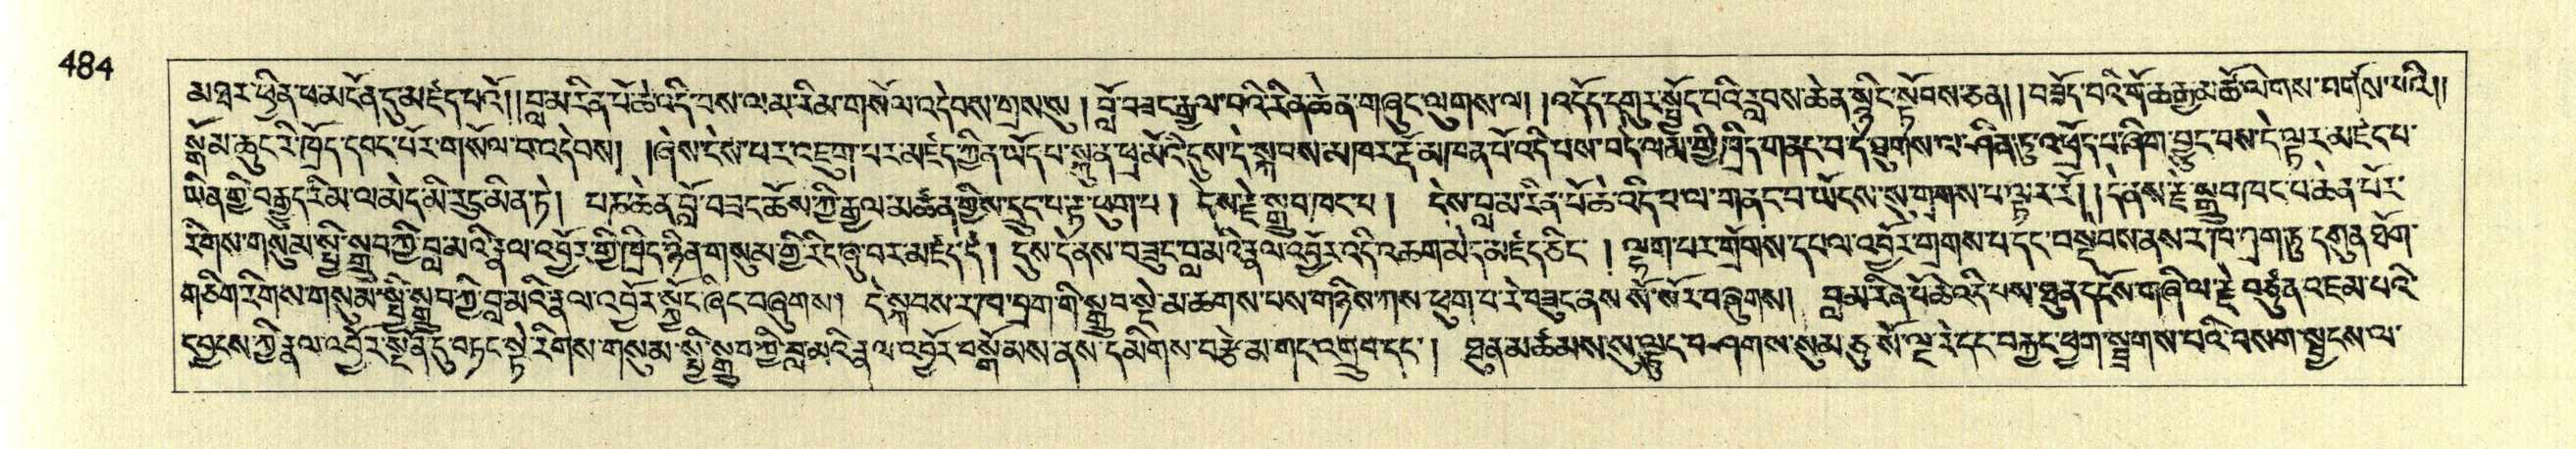མཐར་ཕྱིན་ཕ་མངོན་དུ་མཛད་པའོ། །བླ་མ་རིན་པོ་ཆེ་འདི་བས་ལམ་རིམ་གསོལ་འདེབས་གྲས་སུ། །བློ་བཟང་རྒྱལ་བའི་རིན་པོ་ཆེན་གཞུང་ལུགས་ལ། །འདོད་དགུར་སྤྱོད་པའི་རླབས་ཆེན་སྙིང་སྟོབས་ཅན། །བཟོད་པའི་གོ་ཆ་རྒྱ་མཚོ་ལེགས་བགོས་པའི།།
སྒོམ་ཆུང་རི་ཁྲོད་དབང་པོར་གསོལ་བ་འདེབས། །ཞེས་ངེས་པར་འཇུག་པར་མཛད་ཀྱིན་ཡོད་པ་སྐུ་ན་ཕྲ་མོའི་དུས་དེ་སྐབས་མཁར་རྡོ་མཁན་པོ་འདི་པས་བདེ་ལམ་གྱི་ཁྲིད་གནང་བ་དེ་ཐུགས་ལ་ཤིན་ཏུ་འཕྲོད་པ་ཞིག་བྱུང་བས་དེ་ལྟར་མཛད་པ་
ཡིན་གྱི་བརྒྱུད་རིམ་ལ་མེད་མི་རུང་མིན་ཏེ། པཎ་ཆེན་བློ་བཟང་ཆོས་ཀྱི་རྒྱལ་མཚན་གྱིས་དྲུང་པ་རྟ་ཕུག་པ། དེས་རྗེ་སྒྲུབ་ཁང་པ། དེས་བླ་མ་རིན་པོ་ཆེ་འདི་པ་ལ་གནང་བ་ཡོངས་སུ་གྲགས་པ་ལྟར་རོ། །དེ་ནས་རྗེ་སྒྲུབ་ཁང་པ་ཆེན་པོར་
རིགས་གསུམ་སྤྱི་སྒྲུབ་ཀྱི་བླ་མའི་རྣལ་འབྱོར་གྱི་ཁྲིད་ཉིན་གསུམ་གྱི་རིང་ཞུ་བར་མཛད་དེ། དུས་དེ་ནས་བཟུང་བླ་མའི་རྣལ་འབྱོར་འདི་འཆག་མེད་མཛད་ཅིང་།ལྷག་པར་གྲོགས་དཔལ་འབྱོར་གྲགས་པ་དང་བསྡེབས་ནས་ར་ཁ་བྲག་ཏུ་དགུན་ཐོག་
གཅིག་རིགས་གསུམ་སྤྱི་སྒྲུབ་ཀྱི་བླ་མའི་རྣལ་འབྱོར་སྐྱོང་ཞིང་བཞུགས། དེ་སྐབས་ར་ཁ་བྲག་གི་སྒྲུབ་སྡེ་མ་ཆགས་པས་གཉིས་ཀས་ཕུག་བ་རེ་བཟུང་ནས་སོ་སོར་བཞུགས། བླ་མ་རིན་པོ་ཆེ་འདི་པས་ཐུན་དངོས་གཞི་ལ་རྗེ་བཙུན་འཇམ་པའི་
དབྱངས་ཀྱི་རྣལ་འབྱོར་སྔོན་དུ་བཏང་སྟེ་རིགས་གསུམ་སྤྱི་སྒྲུབ་ཀྱི་བླ་མའི་རྣལ་འབྱོར་བསྒོམས་ནས་དམིགས་བརྩེ་མ་གང་འགྲུབ་དང་། ཐུན་མཚམས་སྐུ་ལྟུང་བཤགས་སུམ་ཅུ་སོ་ལྔ་རེ་དང་བརྐྱང་ཕྱག་སྦྲགས་པའི་བསག་སྦྱངས་ལ་